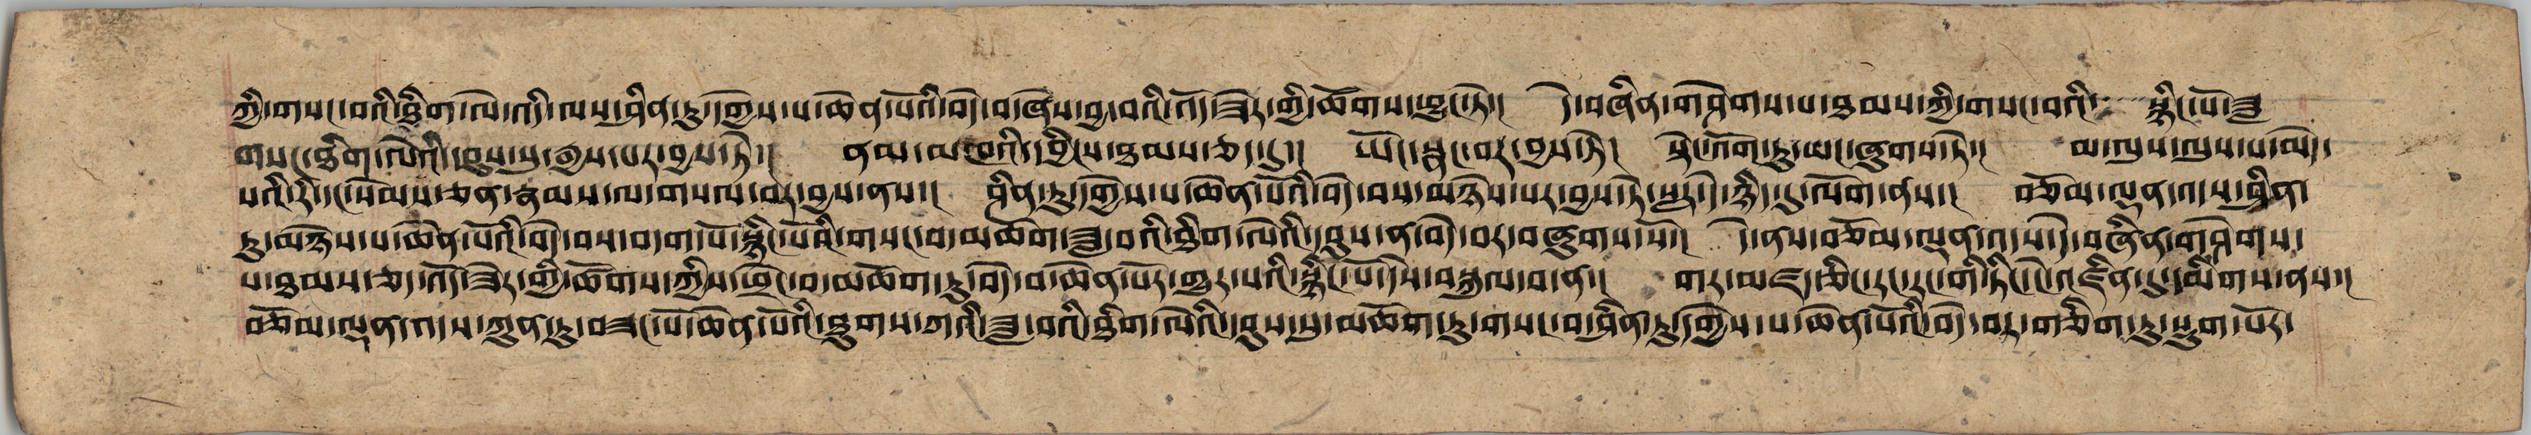ཀྱི་གསང་བའི་ཐིག་ལེ་འདི་ལས་ཤིན་ཏུ་དགྱེས་པ་ཆེན་པོའི་བདེ་བ་ཞེས་བྱ་བའི་འོད་ཟེར་གྱི་ཚོགས་ཕྱུང་ཏེ་། དེ་བཞིན་གཤེགས་པ་ཐམས་ཀྱི་གསང་བའི་ སྙིང་པོ་ཟླ
གསང་ཐིག་ལེའི་དབུས་སུ་རྒྱས་པར་བྱས་ཏེ་། ནམ་མཁའི་དབྱིངས་ཐམས་ཅད་དུ་། ཡོང་སྣང་བར་བྱས་ཏེ་། སྟེང་འོག་ཏུ་ཡང་ཞུགས་ཏེ་། མ་ལུས་ལུས་པ་མེད་
པའི་རི་དང་སེམས་ཅན་རྣམས་ལ་གསལ་བར་བྱས་ནས་། ཤིན་ཏུ་དགྱེས་པ་ཆེན་པོའི་བདེ་བས་མཉེས་པར་བྱས་ཏེ་སླར་དེ་ཉིད་དུ་ལོག་ནས་། བཅོམ་ལྡན་འདས་ཤིན་
ཏུ་མཉེས་པ་ཆེན་པོའི་བདེ་བས་བདག་པོ་སྙིང་པོའི་གསང་བ་མཆོག་ཟླ་བའི་ཐིག་ལེའི་དབུས་ན་བདེ་བར་བཞུགས་སོ་། དེ་ནས་བཅོམ་ལྡན་འདས་དེ་བཞིན་གཤེགས་
པ་ཐམས་ཅད་འོད་ཟེར་གྱི་ཚོགས་ཀྱིས་ཕྲེང་བ་མཆོག་ཏུ་བདེ་བ་ཆེན་པོར་གྱུར་པའི་སྙིང་པོ་དེས་བསྐུལ་བ་ན་། གར་མཛད་ཅིང་རང་རང་གི་ཏིང་ངེ་འཛིན་དུ་དམིགས་ནས་
བཅོམ་ལྡན་འདས་ཀུན་ཏུ་བཟང་པོ་ཆེན་པོའི་ཐུགས་ཀའི་ཟླ་བའི་ཐིག་ལེའི་དབུས་སུ་མཆོག་ཏུ་གསང་བ་ཤིན་ཏུ་དགྱེས་པ་ཆེན་པོའི་བདེ་བར་གཅིག་ཏུ་སྡུག་པོར་